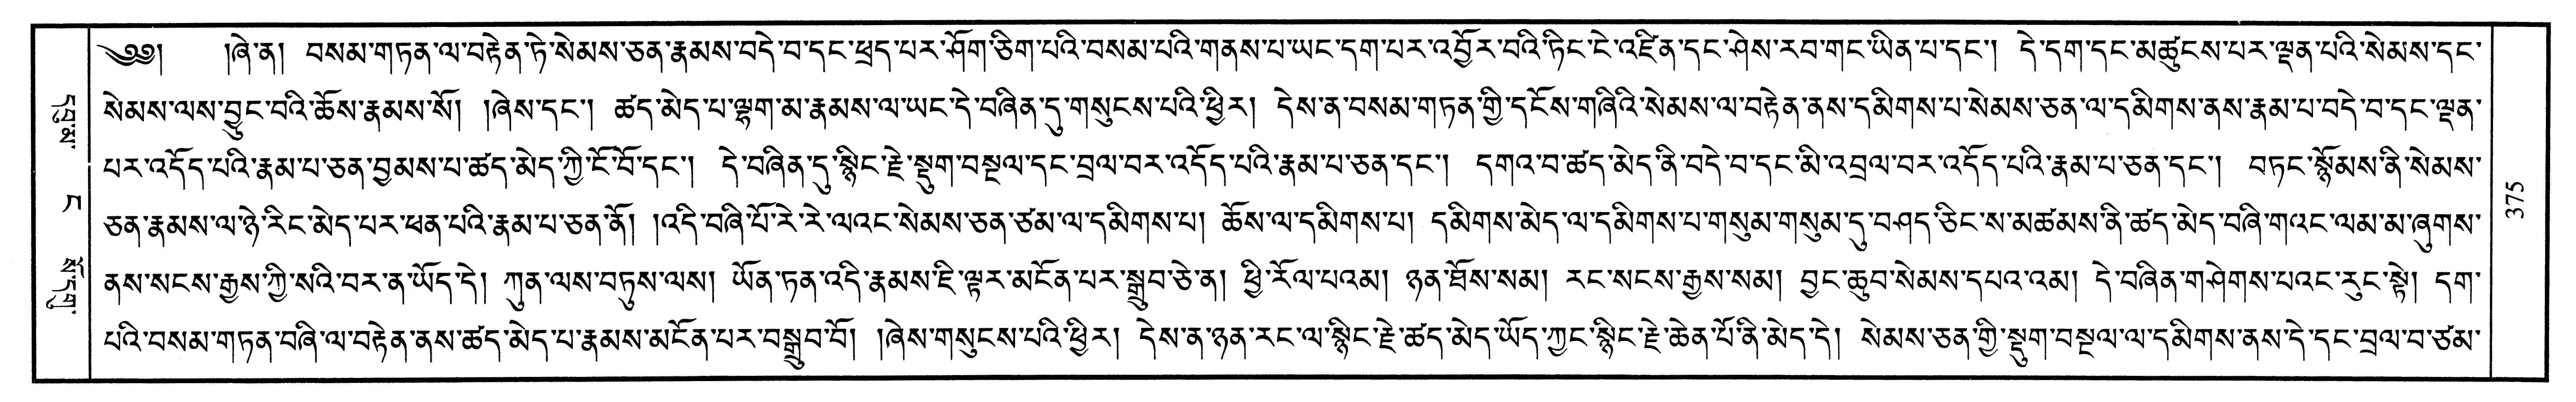༄༅། །ཞེ་ན། བསམ་གཏན་ལ་བརྟེན་ཏེ་སེམས་ཅན་རྣམས་བདེ་བ་དང་ཕྲད་པར་ཤོག་ཅིག་པའི་བསམ་པའི་གནས་པ་ཡང་དག་པར་འབྱོར་བའི་ཏིང་ངེ་འཛིན་དང་ཤེས་རབ་གང་ཡིན་པ་དང་། དེ་དག་དང་མཚུངས་པར་ལྡན་པའི་སེམས་དང་
སེམས་ལས་བྱུང་བའི་ཆོས་རྣམས་སོ། །ཞེས་དང་། ཚད་མེད་པ་ལྷག་མ་རྣམས་ལ་ཡང་དེ་བཞིན་དུ་གསུངས་པའི་ཕྱིར། དེས་ན་བསམ་གཏན་གྱི་དངོས་གཞིའི་སེམས་ལ་བརྟེན་ནས་དམིགས་པ་སེམས་ཅན་ལ་དམིགས་ནས་རྣམ་པ་བདེ་བ་དང་ལྡན་
པར་འདོད་པའི་རྣམ་པ་ཅན་བྱམས་པ་ཚད་མེད་ཀྱི་ངོ་བོ་དང་། དེ་བཞིན་དུ་སྙིང་རྗེ་སྡུག་བསྔལ་དང་བྲལ་བར་འདོད་པའི་རྣམ་པ་ཅན་དང་། དགའ་བ་ཚད་མེད་ནི་བདེ་བ་དང་མི་འབྲལ་བར་འདོད་པའི་རྣམ་པ་ཅན་དང་། བཏང་སྙོམས་ནི་སེམས་
ཅན་རྣམས་ལ་ཉེ་རིང་མེད་པར་ཕན་པའི་རྣམ་པ་ཅན་ནོ། །འདི་བཞི་པོ་རེ་རེ་ལའང་སེམས་ཅན་ཙམ་ལ་དམིགས་པ། ཆོས་ལ་དམིགས་པ། དམིགས་མེད་ལ་དམིགས་པ་གསུམ་གསུམ་དུ་བཤད་ཅིང་ས་མཚམས་ནི་ཚད་མེད་བཞི་གའང་ལམ་མ་ཞུགས་
ནས་སངས་རྒྱས་ཀྱི་སའི་བར་ན་ཡོད་དེ། ཀུན་ལས་བཏུས་ལས། ཡོན་ཏན་འདི་རྣམས་ཇི་ལྟར་མངོན་པར་སྒྲུབ་ཅེ་ན། ཕྱི་རོལ་པའམ། ཉན་ཐོས་སམ། རང་སངས་རྒྱས་སམ། བྱང་ཆུབ་སེམས་དཔའ་འམ། དེ་བཞིན་གཤེགས་པའང་རུང་སྟེ། དག་
པའི་བསམ་གཏན་བཞི་ལ་བརྟེན་ནས་ཚད་མེད་པ་རྣམས་མངོན་པར་བསྒྲུབ་བོ། །ཞེས་གསུངས་པའི་ཕྱིར། དེས་ན་ཉན་རང་ལ་སྙིང་རྗེ་ཚད་མེད་ཡོད་ཀྱང་སྙིང་རྗེ་ཆེན་པོ་ནི་མེད་དེ། སེམས་ཅན་གྱི་སྡུག་བསྔལ་ལ་དམིགས་ནས་དེ་དང་བྲལ་བ་ཙམ་